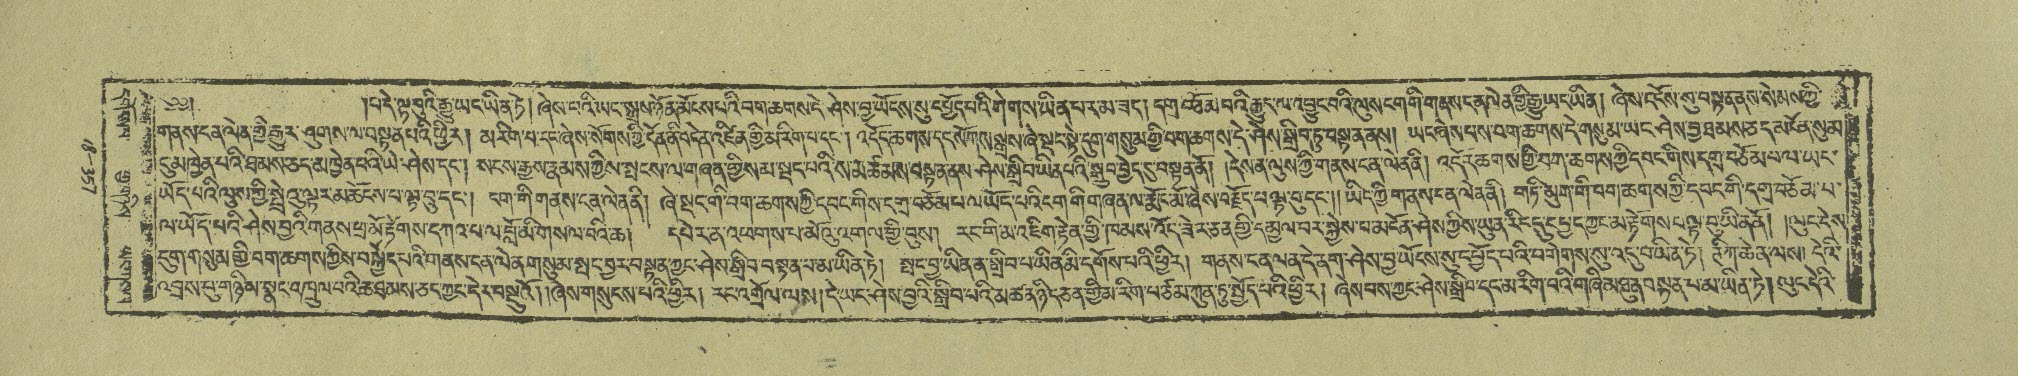༄༅། །པ་དེ་ལྟ་བུའི་རྒྱུ་ཡང་ཡིན་ཏེ། ཞེས་པའི་ཡང་སྒྲས་ཉོན་མོངས་པའི་བག་ཆགས་དེ་ཤེས་བྱ་ཡོངས་སུ་དཔྱོད་པའི་གེགས་ཡིན་པར་མ་ཟད། དགྲ་བཅོམ་པའི་རྒྱུད་ལ་འབྱུང་བའི་ལུས་ངག་གི་གནས་ངན་ལེན་གྱི་རྒྱུ་ཡང་ཡིན། ཞེས་དངོས་སུ་བསྟན་ནས་སེམས་ཀྱི་
གནས་ངན་ལེན་གྱི་རྒྱུར་ཤུགས་ལ་བསྟན་པའི་ཕྱིར། མ་རིག་པ་དང་ཞེས་སོགས་ཀྱི་དོན་ནི་བདེན་འཛིན་གྱི་མ་རིག་པ་དང་། འདོད་ཆགས་དང་སོགས་སྒྲས་ཞེ་སྡང་སྟེ་དུག་གསུམ་གྱི་བག་ཆགས་དེ་ཤེས་སྒྲིབ་ཏུ་བསྟན་ནས། ཡང་ཞེས་པས་བག་ཆགས་དེ་གསུམ་ཡང་ཤེས་བྱ་ཐམས་ཅད་མངོན་སུམ་
དུ་མཁྱེན་པའི་ཐམས་ཅད་མཁྱེན་པའི་ཡེ་ཤེས་དང་། སངས་རྒྱས་རྣམས་ཀྱིས་སྤངས་ལ་གཞན་གྱིས་མ་སྤང་པའི་ས་མཚམས་བསྟན་ནས་ཤེས་སྒྲིབ་ཡིན་པའི་སྒྲུབ་བྱེད་དུ་བསྟན་ནོ། །དེས་ན་ལུས་ཀྱི་གནས་ངན་ལེན་ནི། འདོད་ཆགས་ཀྱི་བག་ཆགས་ཀྱི་དབང་གིས་དགྲ་བཅོམ་པ་ལ་ཡང་
ཡོད་པའི་ལུས་ཀྱི་སྤྲེའུ་ལྟར་མཆོངས་པ་ལྟ་བུ་དང་། ངག་གི་གནས་ངན་ལེན་ནི། ཞེ་སྡང་གི་བག་ཆགས་ཀྱི་དབང་གིས་དགྲ་བཅོམ་པ་ལ་ཡོད་པའི་ངག་གི་གཞན་ལ་རྨོང་མོ་ཞེས་བརྗོད་པ་ལྟ་བུ་དང་། ཡིད་ཀྱི་གནས་ངན་ལེན་ནི། གཏི་མུག་གི་བག་ཆགས་ཀྱི་དབང་གི་དགྲ་བཅོམ་པ་
ལ་ཡོད་པའི་ཤེས་བྱའི་གནས་ཕྲ་མོ་རྟོགས་དཀའ་བ་ལ་བློ་མི་གསལ་བའི་ཆ། དཔེར་ན་འཕགས་པ་མེའུ་འགལ་གྱི་བུས། རང་གི་མ་འཇིག་རྟེན་གྱི་ཁམས་འོད་ཟེར་ཅན་གྱི་དམྱལ་བར་སྐྱེས་པ་མངོན་ཤེས་ཀྱིས་ཡུན་རིང་དུ་དཔྱད་ཀྱང་མ་རྟོགས་པ་ལྟ་བུ་ཡིན་ནོ། །ལུང་དེས་
དུག་གསུམ་གྱི་བག་ཆགས་ཀྱིས་བསྐྱེད་པའི་གནས་ངན་ལེན་གསུམ་སྤང་བྱར་བསྟན་ཀྱང་ཤེས་སྒྲིབ་བསྟན་པ་མ་ཡིན་ཏེ། སྤང་བྱ་ཡིན་ན་སྒྲིབ་པ་ཡིན་མི་དགོས་པའི་ཕྱིར། གནས་ངན་ལན་དེ་དག་ཤེས་བྱ་ཡོངས་སུ་དཔྱོད་པའི་བགེགས་སུ་འདུ་བ་ཡིན་ཏེ། ཊིཀ་ཆེན་ལས། དེའི་
འབྲས་བུ་གཉིས་སྣང་འཁྲུལ་པའི་ཆ་ཐམས་ཅད་ཀྱང་དེར་བསྡུའོ། །ཞེས་གསུངས་པའི་ཕྱིར། རང་འགྲེལ་ལས། དེ་ཡང་ཤེས་བྱའི་སྒྲིབ་པའི་མཚན་ཉིད་ཅན་གྱི་མ་རིག་པ་ཙམ་ཀུན་ཏུ་སྤྱོད་པའི་ཕྱིར། ཞེས་པས་ཀྱང་ཤེས་སྒྲིབ་དང་མ་རིག་པའི་གཞི་མཐུར་བསྟན་པ་མ་ཡིན་ཏེ། ལུང་དེའི་